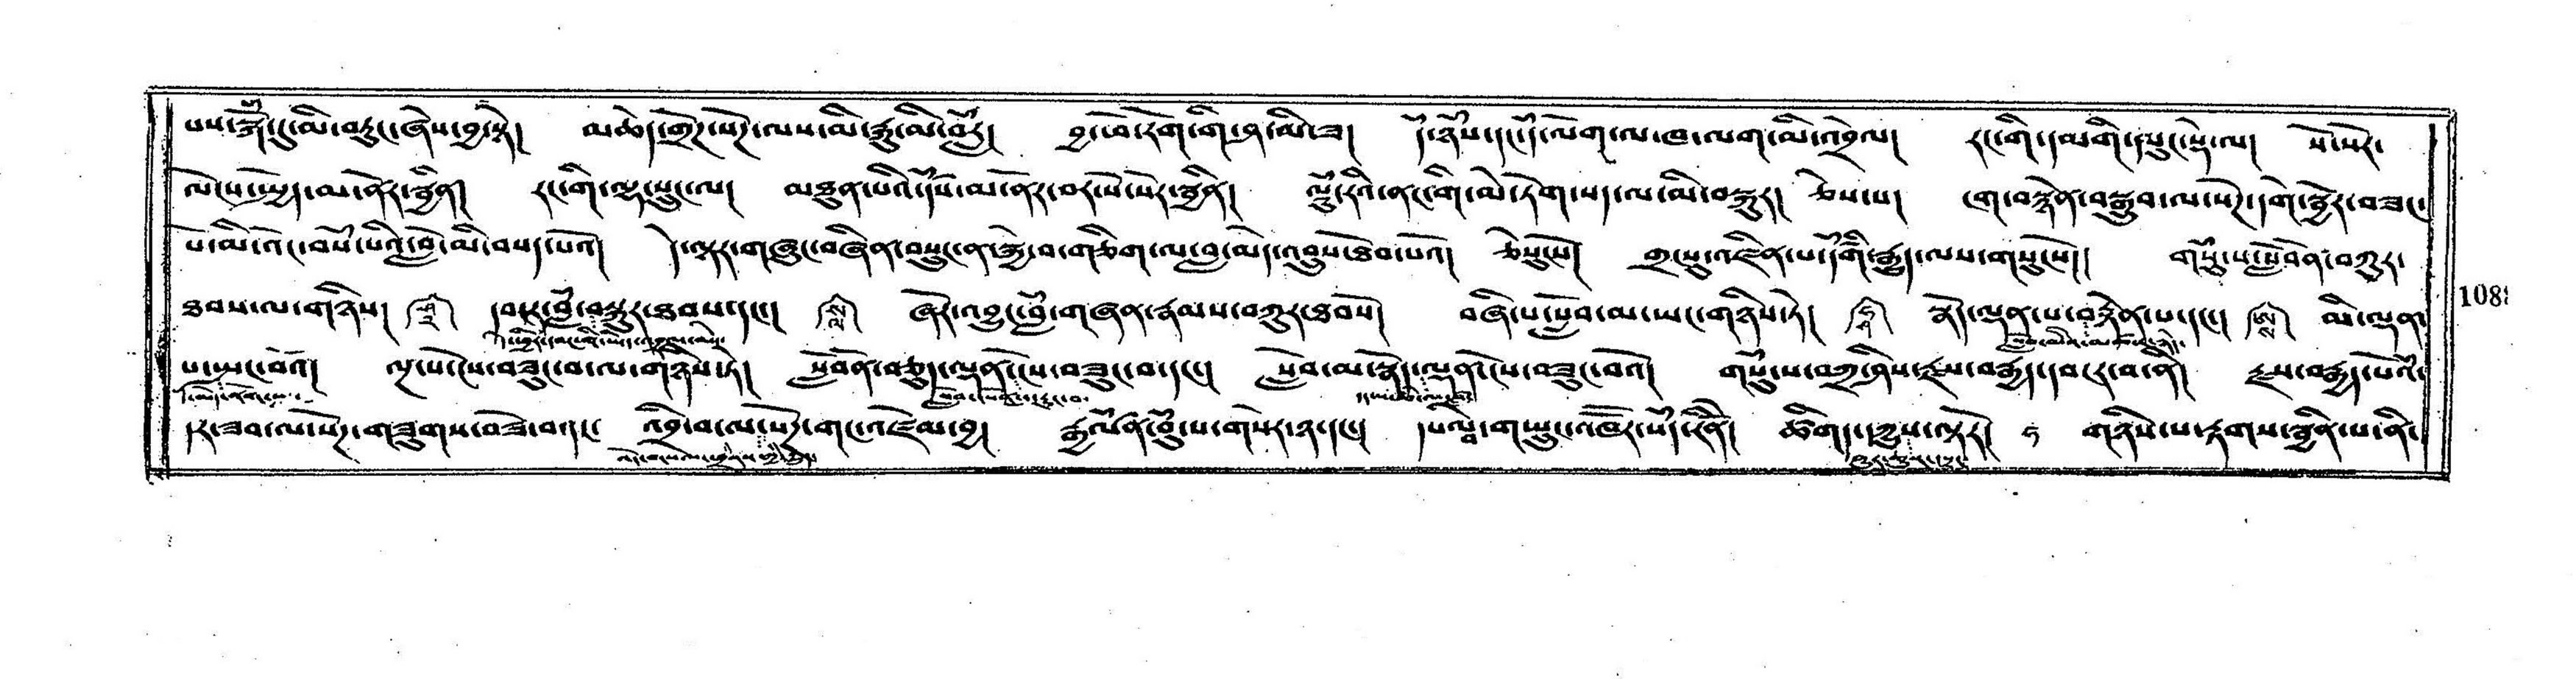པས་སྐོམ་དུ་མི་བཏུང་ཞེས་བྱ་སྟེ། མཆོད་གྲོགས་སོགས་ལས་མི་རྐུ་མི་བརླམ། བྱ་ཕོ་རོག་གི་ཤ་མི་ཟ། དམ་ཉམས་དང་དམ་ལོག་ལ་ཁ་ལག་མི་འབྲེལ། རང་གི་དམག་གི་དཔུང་སྡེ་ལ། སོ་སོར་
ལོངས་སྤྱོད་མ་ནོར་སྦྱིན། རང་གི་ལྷ་སྲུང་ལ། མཐུན་པའི་དམ་རྫས་མ་ནོར་བར་སོ་སོར་སྦྱིན། ལྡུམ་རའི་ནང་གི་མེ་ཏོག་སད་ལ་མི་བསྐུར། ཅེས་པ། ངག་བསྙེན་བསྒྲུབ་ལ་སོགས་དགེ་སྦྱོར་བཟང་
པོ་མི་འོང་བསམ་པའི་བློ་མི་བསད་པའོ། དེ་ལྟར་གཞུང་བཞིན་བསྲུང་ན་སྐྱེ་བ་གཅིག་ལ་བླ་མེད་འབྲས་བུ་ཐོབ་པའོ། ཅེས་གསུངས་སོ། གྲངས་སུ་འཛིན་པ་དམ་ཚིག་རྒྱུད་ལས་གསུངས་སོ།། གསུམ་པ་སློབ་དཔོན་བཀུར་
ཐབས་ལ་གཉིས། ༼ཤྼ༽ དབང་བསྐུར་བླ་མ་དེ་ཕྱིར་དབང་གི་ཡིད་འབྲལ་མེད་བསྐུར་ཐབས་དང་། ༼སླ༽ ཞོར་འབྱུང་བླ་མ་གཞན་རྣམས་བཀུར་ཐབས་སོ། །བཞི་པ་སློབ་མ་ཡང་གཉིས་ཏེ། ༼ཧྴ༽ སྣོད་ལྡན་པ་བརྟེན་སློབ་མའི་མཚན་ཉིད་པ་དང་། ༼ཨྶ༽ མི་ལྡན་
པ་དམ་མེད་ལོག་པ སྤང་བའོ། ལྔ་པ་ངོས་བཟུང་བ་ལ་གཉིས་ཏེ། སློབ་དཔོན་བཅུད་ལྡན་སློབ་དཔོན་དུ་རུང་བ་ངོས་བཟུང་བ་དང་། སློབ་མ་སྣོད་དད་པ་ཆེ་ལ་བློ་ལྡན་ངོས་བཟུང་བའོ། གསུམ་པ་བཀྲ་ཤིས་རྫས་བརྒྱད་དབང་བསྐུར་བ་ནི། རྫས་བརྒྱད་པོའམ་
དར་ཟབ་ལ་སོགས་གཟུགས་བཟོ་བ་དང་འབྲི་བ་ལ་འོད་གསལ་ཕྲིན་ལས་ཀྱི་རྒྱུད་སོགས་གང་འཛེམ་བྱ། རྒྱལ་མཚན་བུམ་པ་གསེར་ཉ་དང་། དཔལྦེ་གཡུང་དྲུང་འཁོར་ལོ་སེམས་དཔའ་རིན་པོ་ཆེ། ཚིག་བཤད་དཀྱུས་གྱུར་ཆུན་དཔྲང་ལྟར་རོ། ཧ གཉིས་པ་རྟགས་སྦྱིན་པ་ནི་